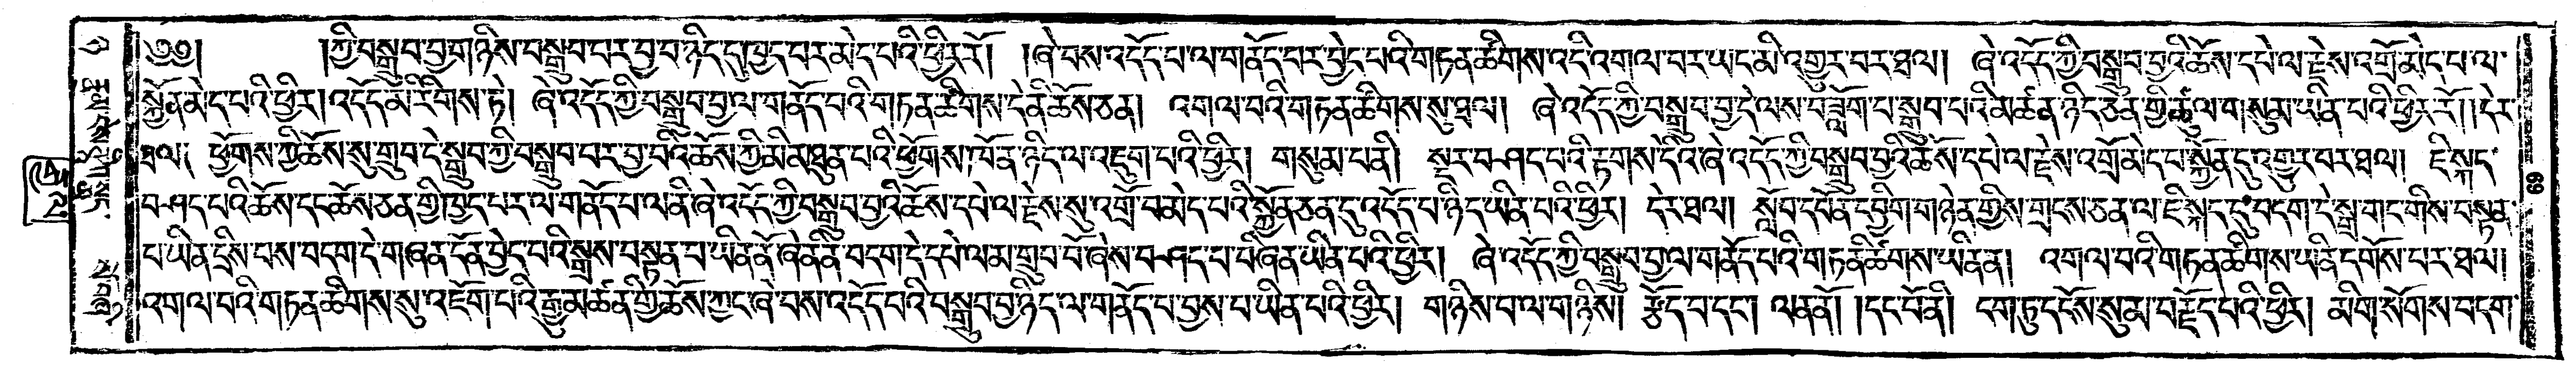༄༅། །ཀྱི་བསྒྲུབ་བྱ་གཉིས་བསྒྲུབ་པར་བྱ་བ་ཉིད་དུ་ཁྱད་པར་མེད་པའི་ཕྱིར་རོ། །ཞེ་བས་འདོད་པ་ལ་གནོད་པར་བྱེད་པའི་གཏན་ཚིགས་འདི་འགལ་བར་ཡང་མི་འགྱུར་བར་ཐལ། ཞེ་འདོད་ཀྱི་བསྒྲུབ་བྱའི་ཆོས་དཔེ་ལ་རྗེས་འགྲོ་མེད་པ་ལ་
སྐྱོན་མེད་པའི་ཕྱིར། འདོད་མི་རིགས་ཏེ། ཞེ་འདོད་ཀྱི་བསྒྲུབ་བྱ་ལ་གནོད་བའི་གཏན་ཚིགས་དེ་ནི་ཆོས་ཅན། འགལ་བའི་གཏན་ཚིགས་སུ་ཐལ། ཞེ་འདོད་ཀྱི་བསྒྲུབ་བྱ་དེ་ལས་བཟློག་པ་སྒྲུབ་པའི་མཚན་ཉིད་ཅན་གྱི་ཚུལ་གསུམ་ཡིན་པའི་ཕྱིར་རོ། །དེར་
ཐལ༑ ཕྱོགས་ཀྱི་ཆོས་སུ་གྲུབ་དེ་སྒྲུབ་པར་བྱ་བའི་ཆོས་ཀྱི་མི་མཐུན་པའི་ཕྱོགས་ཁོ་ན་ཉིད་ལ་འཇུག་པའི་ཕྱིར། གསུམ་པ་ནི། སྔར་བཤད་པའི་རྟགས་དེའི་ཞེ་འདོད་ཀྱི་བསྒྲུབ་བྱའི་ཆོས་དཔེ་ལ་རྗེས་འགྲོ་མེད་པ་སྐྱོན་དུ་འགྱུར་བར་ཐལ། ཇི་སྐད་
བཤད་པའི་ཆོས་དང་ཆོས་ཅན་གྱི་ཁྱད་པར་ལ་གནོད་པ་ལ་ནི་ཞེ་འདོད་ཀྱི་བསྒྲུབ་བྱའི་ཆོས་དཔེ་ལ་རྗེས་སུ་འགྲོ་བ་མེད་པའི་སྐྱོན་ཅན་དུ་འདོད་པ་ཉིད་ཡིན་པའི་ཕྱིར། དེར་ཐལ། སློབ་དཔོན་དབྱིག་གཉེན་གྱིས་གྲངས་ཅན་ལ་ཇི་སྐད་དུ་བདག་དེ་སྒྲ་གང་གིས་བསྟན་
པ་ཡིན་དྲིས་པས་བདག་དེ་གཞན་དོན་བྱེད་པའི་སྒྲས་བསྟན་པ་ཡིན་ནོ་ཞེ་ནི་ན་བདག་དེ་དཔེ་ལ་མ་གྲུབ་བོ་ཞེས་བཤད་པ་བཞིན་ཡིན་པའི་ཕྱིར། ཞེ་འདོད་ཀྱི་བསྒྲུབ་བྱ་ལ་གནོད་པའི་གཏན་ཚིགས་ཡིན་ན། འགལ་བའི་གཏན་ཚིགས་ཡིན་དགོས་པར་ཐལ།
འགལ་བའི་གཏན་ཚིགས་སུ་འཇོག་པའི་རྒྱུ་མཚན་གྱི་ཆོས་ཀྱང་ཞེ་བས་འདོད་པའི་བསྒྲུབ་བྱ་ཉིད་ལ་གནོད་པ་བྱས་པ་ཡིན་པའི་ཕྱིར། གཉིས་པ་ལ་གཉིས། རྩོད་པ་དང་། ལན་ནོ། །དང་པོ་ནི། ངག་ཏུ་དངོས་སུ་མ་བརྗོད་པའི་ཕྱིར། མིག་སོགས་བདག་